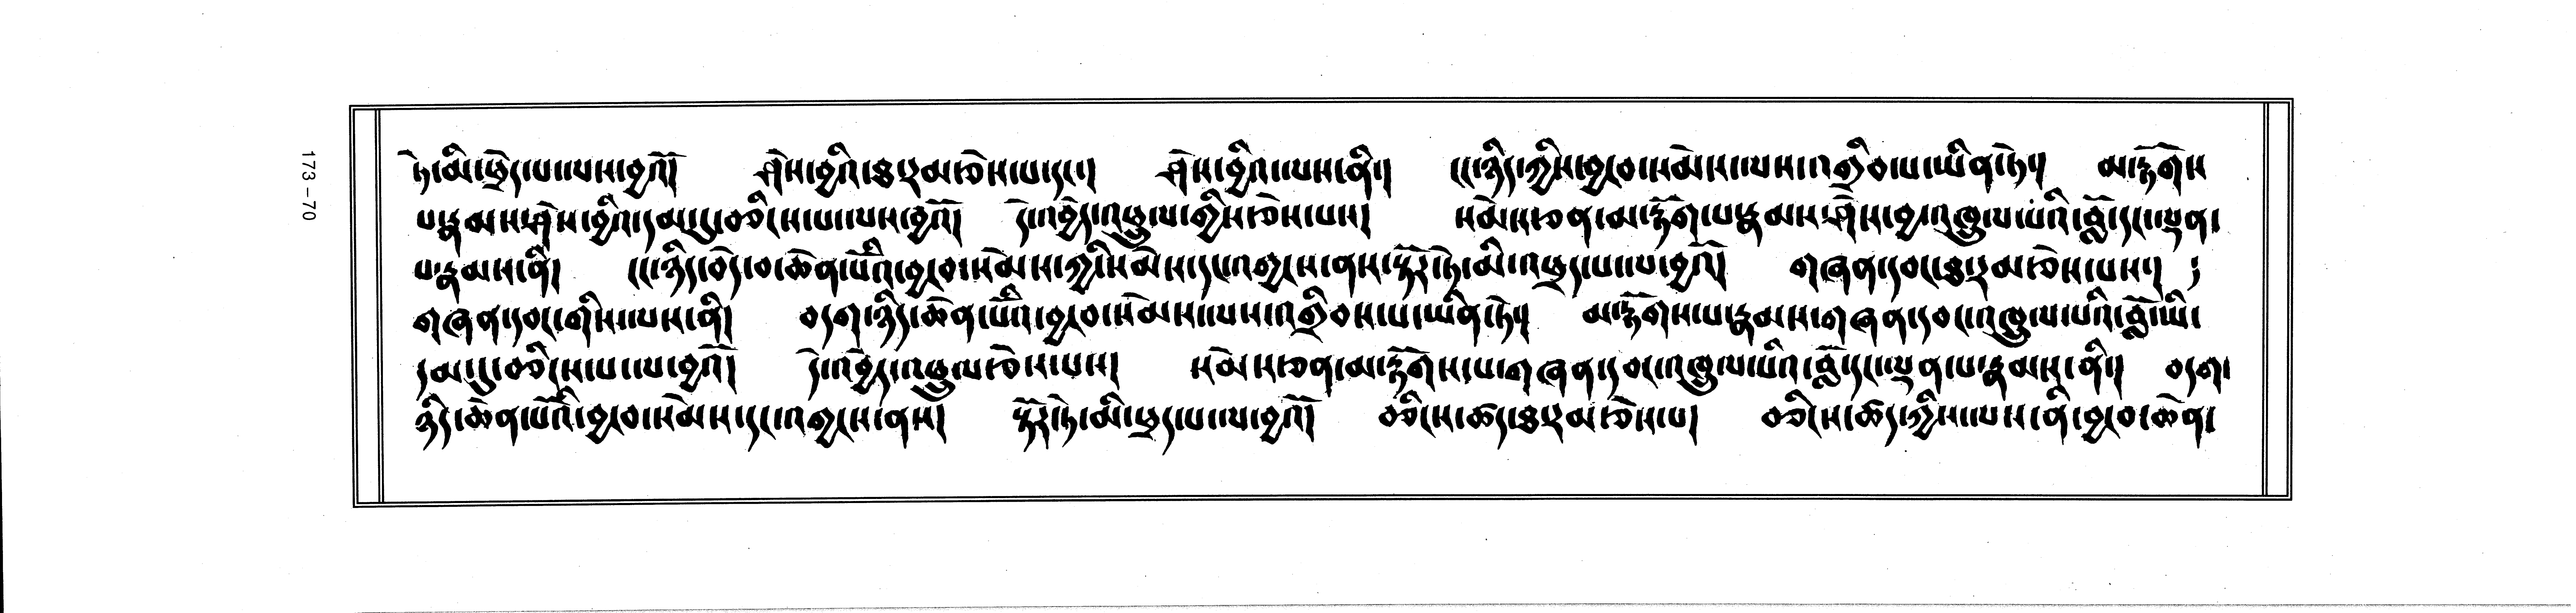ཏེ་མི་འཕྲད་པ་ལ་བྱའོ། །ཤེས་བྱའི་ཐ་རམས་ཅེས་པ་དང་། ཤེས་བྱའི་ལས་ནི། ངང་ཉིད་ཀྱི་བྱང་ཆུབ་སེམས་ལས་འགྲིབ་པ་ཡིན་ཏེ། མ་རྟོགས་
པ་རྣམས་ཤེས་བྱའི་དམ་དུ་བཅིངས་པ་ལ་བྱའོ། དེ་འབྱེད་འཕྲུལ་གྱི་ཅེས་པ། སེམས་ཅན་མ་རྟོགས་པ་རྣམས་ཤེས་བྱ་འཁྲུལ་པའི་བློ་དང་ལྡན་
པ་རྣམས་ནི། ངང་ཉིད་བདེ་བ་ཆེན་པོའི་བྱང་ཆུབ་ཀྱི་སེམས་དང་འགྱངས་ནས་སྟོར་ཏེ་མི་འཕྲད་པ་ལ་བྱའོ། །གཞན་དབང་ཐ་རམ་ཅེས་པས། 
གཞན་དབང་གི་ལས་ནི། བདག་ཉིད་ཆེན་པོའི་བྱང་ཆུབ་སེམས་ལས་འགྲིབ་པ་ཡིན་ཏེ། མ་རྟོགས་པ་རྣམས་གཞན་དབང་འཁྲུལ་པའི་བློ་ཡིས་
དམ་དུ་བཅིངས་པ་ལ་བྱའོ། །དེ་འབྱེད་འཕྲུལ་ཅེས་པས། སེམས་ཅན་མ་རྟོགས་པ་གཞན་དབང་འཁྲུལ་པའི་བློ་དང་ལྡན་པ་རྣམས་ནི་བདག་
ཉིད་ཆེན་པོའི་བྱང་ཆུབ་སེམས་དང་འགྱངས་ནས། སྟོར་ཏེ་མི་འཕྲད་པ་ལ་བྱའོ། །བཅིངས་ཚད་ཐ་རམ་ཅེས་པ། བཅིངས་ཚད་ཀྱི་ལས་ནི་བྱང་ཆུབ་ཆེན་